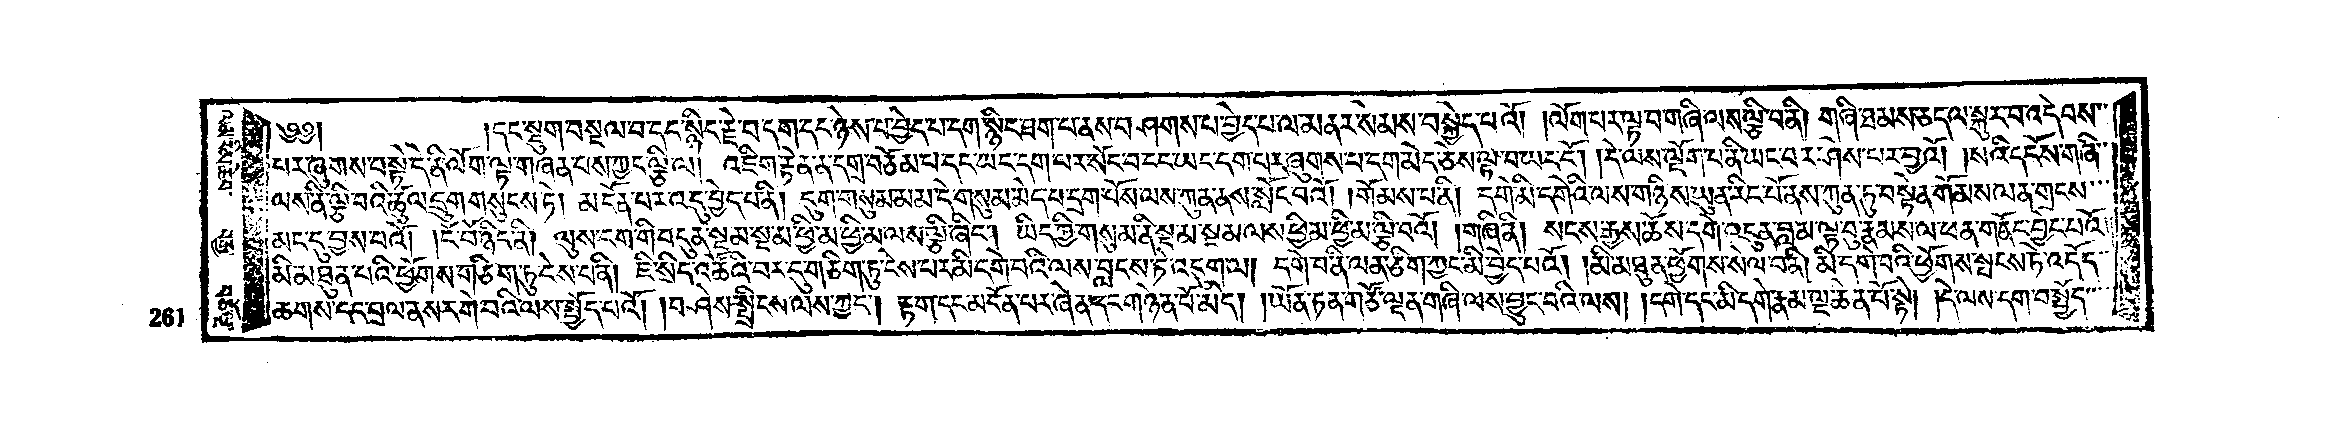༄༅། །དང་སྡུག་བསྔལ་བ་དང་སྙིང་རྗེ་བ་དག་དང་ཉེས་པ་བྱེད་པ་དག་སྙིང་ཐག་པ་ནས་བཤགས་པ་བྱེད་པ་ལ་མནར་སེམས་བསྐྱེད་པའོ། །ལོག་པར་ལྟ་བ་གཞི་ལས་ལྕི་བ་ནི། གཞི་ཐམས་ཅད་ལ་སྐུར་པ་འདེབས་
པར་ཞུགས་པ་སྟེ་དེ་ནི་ལོག་ལྟ་གཞན་པས་ཀྱང་ལྕི་ལ། འཇིག་རྟེན་ན་དགྲ་བཅོམ་པ་དང་ཡང་དག་པར་སོང་བ་དང་ཡང་དག་པར་ཞུགས་པ་དག་མེད་ཅེས་ལྟ་བ་ཡང་ངོ། །དེ་ལས་ལྡོག་པ་ནི་ཡང་བར་ཤེས་པར་བྱའོ། །སའི་དངོས་གཞི་
ལས་ནི་ལྕི་བའི་ཚུལ་དྲུག་གསུངས་ཏེ། མངོན་པར་འདུ་བྱེད་པ་ནི། དུག་གསུམ་མམ་དེ་གསུམ་མེད་པ་དྲག་པོས་ལས་ཀུན་ནས་སློང་བའོ། །གོམས་པ་ནི། དགེ་མི་དགེའི་ལས་གཉིས་ཡུན་རིང་པོ་ནས་ཀུན་ཏུ་བསྟེན་གོམས་ལན་གྲངས་
མང་དུ་བྱས་པའོ། །ངོ་བོ་ཉིད་ནི། ལུས་ངག་གི་བདུན་སྔ་མ་སྔ་མ་ཕྱི་མ་ཕྱི་མ་ལས་ལྕི་ཞིང་། ཡིད་ཀྱི་གསུམ་ནི་སྔ་མ་སྔ་མ་ལས་ཕྱི་མ་ཕྱི་མ་ལྕི་བའོ། །གཞི་ནི། སངས་རྒྱས་ཆོས་དགེ་འདུན་བླ་མ་ལྟ་བུ་རྣམས་ལ་ཕན་གནོད་བྱེད་པའོ། །
མི་མཐུན་པའི་ཕྱོགས་གཅིག་ཏུ་ངེས་པ་ནི། ཇི་སྲིད་འཚོའི་བར་དུ་གཅིག་ཏུ་ངེས་པར་མི་དགེ་བའི་ལས་བླངས་ཏེ་འདུག་ལ། དགེ་བ་ནི་ལན་ཅིག་ཀྱང་མི་བྱེད་བའོ། །མི་མཐུན་ཕྱོགས་སེལ་བ་ནི། མི་དགེ་བའི་ཕྱོགས་སྤངས་ཏེ་འདོད་
ཆགས་དང་བྲལ་ནས་དགེ་བའི་ལས་སྤྱོད་པའོ། །བཤེས་སྤྲིངས་ལས་ཀྱང་། རྟག་དང་མངོན་པར་ཞེན་དང་གཉེན་པོ་མེད། །ཡོན་ཏན་གཙོ་ལྡན་གཞི་ལས་བྱུང་བའི་ལས། །དགེ་དང་མི་དགེ་རྣམ་ལྔ་ཆེན་པོ་སྟེ། །དེ་ལས་དགེ་བ་སྤྱོད་